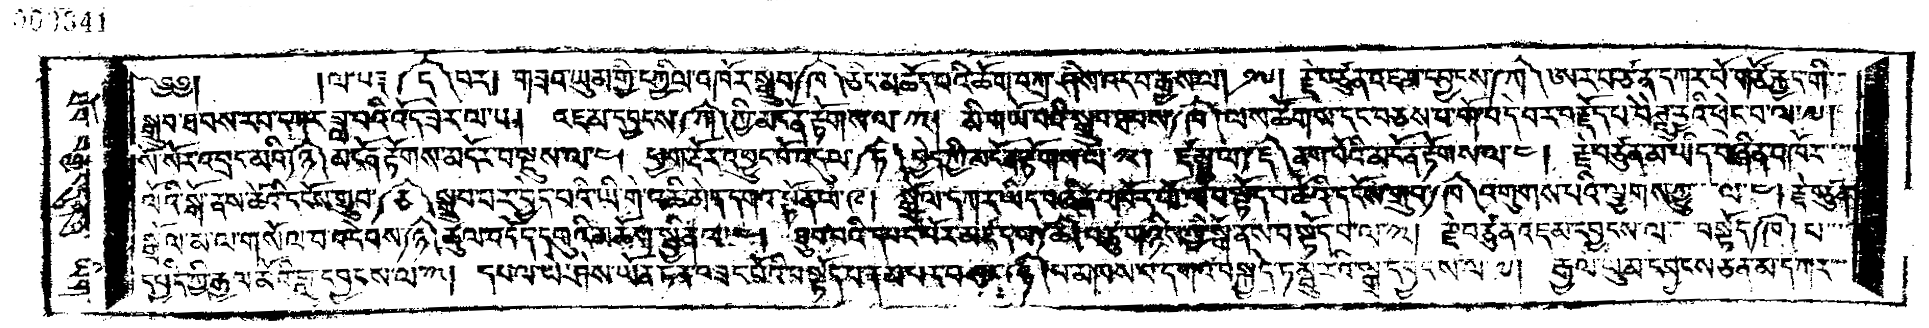༄༅། །ལ་པ༑ ༼ང༽ པར། གཟའ་ཡུམ་གྱི་དཀྱིལ་འཁོར་སྒྲུབ ༼ཁ༽ ཅིང་མཆོད་པའི་ཆོ་ག་བཀྲ་ཤིས་འདབ་རྒྱས་ལ། ༡༧། རྗེ་བཙུན་འཇམ་དབྱངས ༼ཀ༽ ཨ་ར་བ་ཙན་དཀར་པོ་གཙོ་རྐྱང་གི་
སྒྲུབ་ཐབས་རབ་དཀར་ཟླ་བའི་འོད་ཟེར་ལ ༥། འཇམ་དབྱངས ༼ཀ༽ ཀྱི་མངོན་རྟོགས་ལ ༣། མི་གཡོ་བའི་སྒྲུབ་ཐབས ༼ཁ༽ ལས་ཚོགས་དང་བཅས་པ་གོ་བདེ་བར་བརྗོད་པ་བཻཌཱུརྱའི་ཕྲེང་བ་ལ ༧།
སོ་སོར་འབྲང་མའི ༼ཉ༽ མངོན་རྟོགས་མདོར་བསྡུས་ལ ༤། ཕྱག་རྡོར་འབྱུང་བོ་འདུལ ༼ཏ༽ བྱེད་ཀྱི་མངོན་རྟོགས་ལ ༣། ཛམྦྷ་ལ ༼ཇ༽ ནག་པོའི་མངོན་རྟོགས་ལ ༤། རྗེ་བཙུན་མ་ཡིད་བཞིན་འཁོར་
ལོའི་སྒོ་ནས་ཚེའི་དངོས་གྲུབ ༼ཅ༽ སྒྲུབ་པར་བྱེད་པའི་ཡི་གེ་འཆི་མེད་དགའ་སྟོན་ལ ༩། སྒྲོལ་དཀར་ཡིད་བཞིན་འཁོར་ལོ་ལ་བསྟོད་པ་ཚེའི་དངོས་གྲུབ ༼ཁ༽ འགུགས་པའི་ལྕགས་ཀྱུ་ལ ༤། རྗེ་བཙུན་
སྒྲོལ་མ་ལ་གསོལ་བ་འདེབས ༼ཉ༽ ཚུལ་འདོད་དགུའི་མཆོག་སྦྱིན་ལ ༤། ཐུབ་པའི་དབང་པོར་མཛད་པ ༼ཆ༽ བཅུ་གཉིས་ཀྱི་སྒོ་ནས་བསྟོད་པ་ལ ༣། རྗེ་བཙུན་འཇམ་དབྱངས་ལ་བསྟོད ༼ཁ༽ པ་
དཔྱིད་ཀྱི་རྒྱལ་མོའི་གླུ་དབྱངས་ལ ༣། དཔལ་ཡེ་ཤེས་ཡོན་ཏན་བཟང་པོའི་བསྟོད་པ་རྣམ་པར་བཤད ༼ཉ༽ པ་མཁས་པ་དགའ་བསྐྱེད་ཏམྦུ་རའི་སྒྲ་དབྱངས་ལ ༧། རྒྱལ་ཡུམ་དབྱངས་ཅན་མ་དཀར་